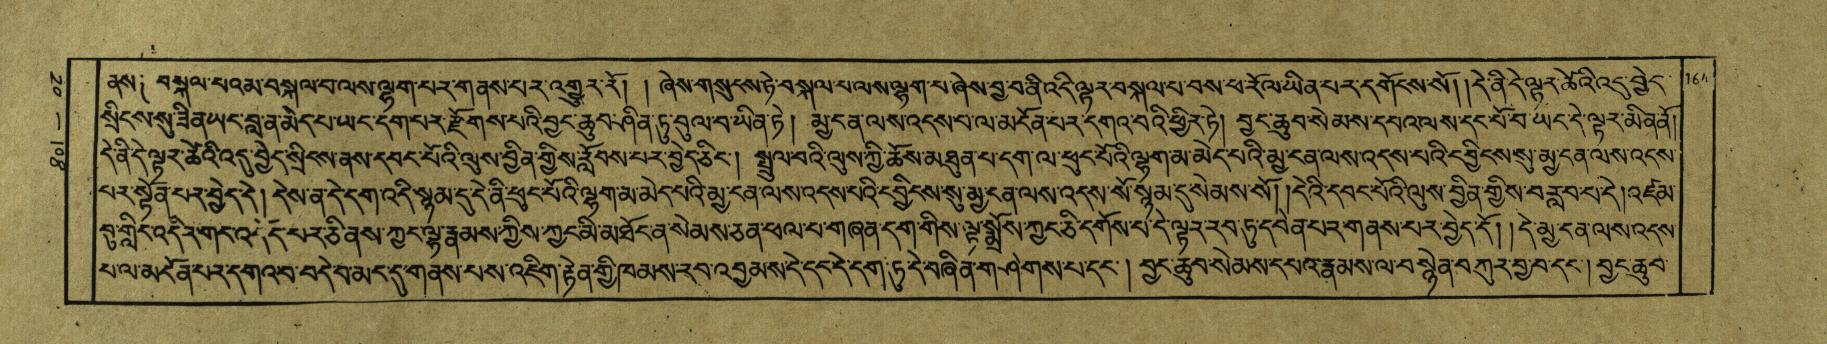ནས༑ བསྐལ་པའམ་བསྐལ་བ་ལས་ལྷག་པར་གནས་པར་འགྱུར་རོ། །ཞེས་གསུངས་ཏེ་བསྐལ་པ་ལས་ལྷག་པ་ཞེས་བྱ་བ་ནི་འདི་ལྟར་བསྐལ་པ་བས་ཕ་རོལ་ཡིན་པར་དགོངས་སོ། །དེ་ནི་དེ་ལྟར་ཚེའི་འདུ་བྱེད་
སྲིངས་སུ་ཟིན་ཡང་བླ་ན་མེད་པ་ཡང་དག་པར་རྫོགས་པའི་བྱང་ཆུབ་ཤིན་ཏུ་བུལ་བ་ཡིན་ཏེ། མྱ་ངན་ལས་འདས་པ་ལ་མངོན་པར་དགའ་བའི་ཕྱིར་ཏེ། བྱང་ཆུབ་སེམས་དཔའ་ལས་དང་པོ་བ་ཡག་དེ་ལྟར་མིན་ནོ།
དེ་ནི་དེ་ལྟར་ཚེའི་འདུ་བྱེད་སྲིངས་ནས་དབང་པོའི་ལུས་བྱིན་གྱིས་རློབས་པར་བྱེད་ཅིང་། སྤྲུལ་བའི་ལུས་ཀྱི་ཆོས་མཐུན་པ་དག་ལ་ཕུང་པོའི་ལྷག་མ་མེད་པའི་མྱ་ངན་ལས་འདས་པའི་དབྱིངས་སུ་མྱ་ངན་ལས་འདས་
པར་སྟོན་པར་བྱེད་དེ། དེས་ན་དེ་དག་འདི་སྙམ་དུ་དེ་ནི་ཕུང་པོའི་ལྷག་མ་མེད་པའི་མྱ་ངན་ལས་འདས་པའི་དབྱིངས་སུ་མྱ་ངན་ལས་འདས་སོ་སྙམ་དུ་སེམས་སོ། །དེའི་དབང་པོའི་ལུས་བྱིན་གྱིས་བརླབ་པ་དེ། འཛམ་
བུ་གླིང་འདིར་གང་འདོད་པར་ཅི་ནས་ཀྱང་ལྷ་རྣམས་ཀྱིས་ཀྱང་མི་མཐོང་ན་སེམས་ཅན་ཕལ་པ་གཞན་དག་གིས་ལྟ་སྨྲོས་ཀྱང་ཅི་དགོས་པ་དེ་ལྟར་རབ་ཏུ་དབེན་པར་གནས་པར་བྱེད་དོ། །དེ་མྱ་ངན་ལས་འདས་
པ་ལ་མངོན་པར་དགའ་བ་བདེ་བ་མང་དུ་གནས་པས་འཇིག་རྟེན་གྱི་ཁམས་རབ་འབྱམས་དེ་དང་དེ་དག་ཏུ་དེ་བཞིན་གཤེགས་པ་དང་། བྱང་ཆུབ་སེམས་དཔའ་རྣམས་ལ་བསྙེན་བཀུར་བྱ་བ་དང་། བྱང་ཆུབ་